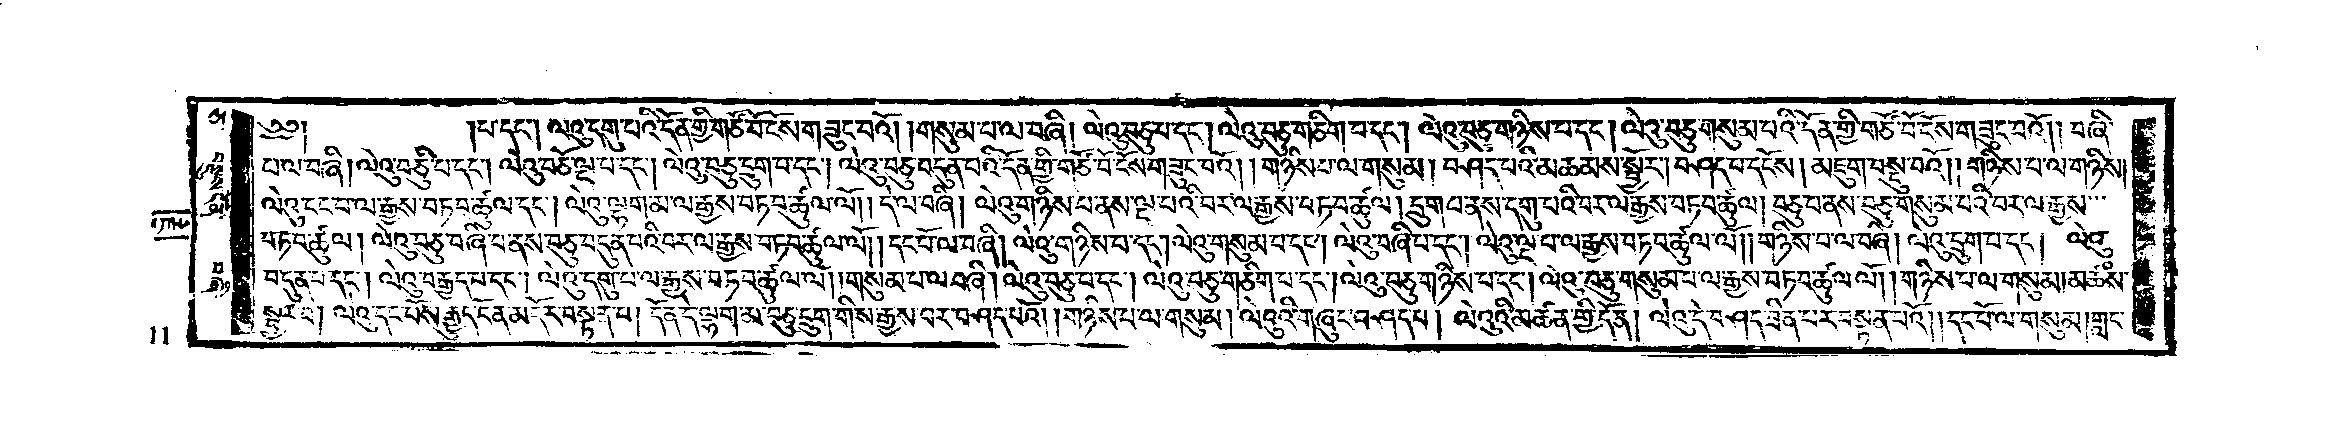༄༅། །པ་དང་། ལེའུ་དགུ་པའི་དོན་གྱི་གཙོ་བོ་ངོས་གཟུང་བའོ། །གསུམ་པ་ལ་བཞི། ལེའུ་བཅུ་པ་དང་། ལེའུ་བཅུ་གཅིག་པ་དང་། ལེའུ་བཅུ་གཉིས་པ་དང་། ལེའུ་བཅུ་གསུམ་པའི་དོན་གྱི་གཙོ་བོ་ངོས་གཟུང་བའོ། །བཞི་
པ་ལ་བཞི། ལེའུ་བཅུ་བཞི་པ་དང་། ལེའུ་བཅོ་ལྔ་པ་དང་། ལེའུ་བཅུ་དྲུག་པ་དང་། ལེའུ་བཅུ་བདུན་པའི་དོན་གྱི་གཙོ་བོ་ངོས་གཟུང་བའོ། །གཉིས་པ་ལ་གསུམ། བཤད་པའི་མཚམས་སྦྱོར། བཤད་པ་དངོས། མཇུག་བསྡུ་བའོ། །གཉིས་པ་ལ་གཉིས།
ལེའུ་དང་པོ་ལ་རྒྱས་བཏབ་ཚུལ་དང་། ལེའུ་ལྷག་མ་ལ་རྒྱས་བཏབ་ཚུལ་ལོ། །དེ་ལ་བཞི། ལེའུ་གཉིས་པ་ནས་ལྔ་པའི་བར་ལ་རྒྱས་བཏབ་ཚུལ། དྲུག་པ་ནས་དགུ་པའི་བར་ལ་རྒྱས་བཏབ་ཚུལ། བཅུ་པ་ནས་བཅུ་གསུམ་པའི་བར་ལ་རྒྱས་
བཏབ་ཚུལ། ལེའུ་བཅུ་བཞི་པ་ནས་བཅུ་བདུན་པའི་བར་ལ་རྒྱས་བཏབ་ཚུལ་ལོ། །དང་པོ་ལ་བཞི། ལེའུ་གཉིས་པ་དང་། ལེའུ་གསུམ་པ་དང་། ལེའུ་བཞི་པ་དང་། ལེའུ་ལྔ་པ་ལ་རྒྱས་བཏབ་ཚུལ་ལོ། །གཉིས་པ་ལ་བཞི། ལེའུ་དྲུག་པ་དང་། ལེའུ་
བདུན་པ་དང་། ལེའུ་བརྒྱད་པ་དང་། ལེའུ་དགུ་པ་ལ་རྒྱས་བཏབ་ཚུལ་ལོ། །གསུམ་པ་ལ་བཞི། ལེའུ་བཅུ་པ་དང་། ལེའུ་བཅུ་གཅིག་པ་དང་། ལེའུ་བཅུ་གཉིས་པ་དང་། ལེའུ་བཅུ་གསུམ་པ་ལ་རྒྱས་བཏབ་ཚུལ་ལོ། །གཉིས་པ་ལ་གསུམ། མཚམས་
སྦྱར་བ། ལེའུ་དང་པོས་རྒྱུད་དོན་མདོར་བསྟན་པ། དོན་དེ་ལྷག་མ་བཅུ་དྲུག་གིས་རྒྱས་པར་བཤད་པའོ། །གཉིས་པ་ལ་གསུམ། ལེའུའི་གཞུང་བཤད་པ། ལེའུའི་མཚན་གྱི་དོན། ལེའུ་དེ་བཤད་ཟིན་པར་བསྟན་པའོ། །དང་པོ་ལ་གསུམ། གླིང་